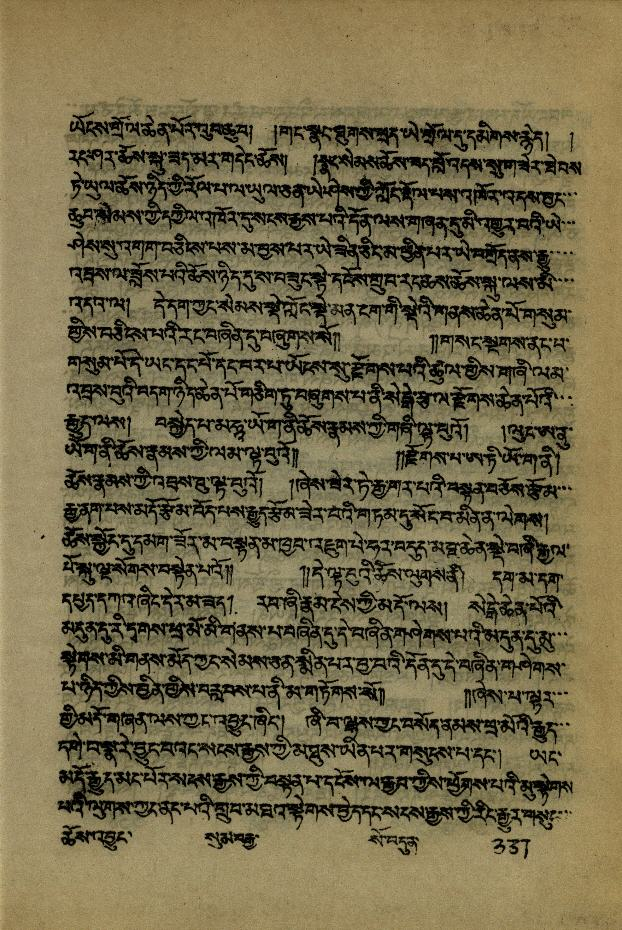ཡོངས་གྲོལ་ཆེན་པོར་འུབ་ཆུབ། །གང་སྣང་ཐུགས་ཕྲད་ཡེ་གྲོལ་དུ་དམིགས་རྙེད། །
རང་ཤར་ཆོས་སྐུ་ཟད་མར་གདེང་ཆོས། །སྣང་སེམས་ཆོས་ཟད་བློ་འདས་སུ་གཟེར་ཐེབས་
ཏེ་ཡུལ་ཆོས་ཉིད་ཀྱི་རོལ་བ་ལ་ཡུལ་ཅན་ཡེ་ཤེས་ཀྱི་ཀློང་རྡོལ་པས་འཁོར་འདས་བྱང་
ཆུབ་སེམས་ཀྱི་དཀྱིལ་འཁོར་དུ་སངས་རྒྱས་པའི་དོན་ལས་གཞན་དུ་མི་འགྱུར་བའི་ཡེ་
ཤེས་སུ་འགག་བཅིངས་པས་མ་བྱས་པར་ཡེ་ཟིན་ཅིང་མ་ཕྱིན་པར་ཡེ་བགྲོད་ནས་རྒྱུ་
འབྲས་ལ་ཟློས་པའི་ཆོས་ཉིད་དུ་ས་བཟུང་སྟེ་དངོས་གྲུབ་རང་ཆས་ཆོས་སྐུ་ལས་མི་
འདའ་ལ། དེ་དག་ཀྱང་སེམས་སྡེ་ཀློང་སྡེ་མན་ངག་གི་སྡེའི་གནས་ཆེན་པོ་གསུམ་
གྱིས་བཅིངས་པའི་རང་བཞིན་དུ་བཞུགས་སོ།། །།གསང་སྔགས་ནང་པ་
གསུམ་པོ་དེ་ཡང་དང་པོ་དང་བར་པ་ཡོངས་སུ་རྫོགས་པའི་ཚུལ་གྱིས་གཞི་ལམ་
འབྲས་བུའི་བདག་ཉིད་ཆེན་པོ་གཅིག་ཏུ་བཞུགས་པ་ནི་སེངྒེ་རྩལ་རྫོགས་ཆེན་པོའི་
རྒྱུད་ལས། བསྐྱེད་པ་མཧཱ་ཡོ་ག་ནི་ཆོས་རྣམས་ཀྱི་གཞི་ལྟ་བུའོ། །ལུང་ཨ་ནུ་
ཡོ་ག་ནི་ཆོས་རྣམས་ཀྱི་ལམ་ལྟ་བུའོ།། །།རྫོགས་པ་ཨ་ཏི་ཡོ་ག་ནི།
ཆོས་རྣམས་ཀྱི་འབྲས་བུ་ལྟ་བུའོ། །ཞེས་ཟེར་ཏེ་རྒྱ་གར་པའི་བསྟན་བཅོས་རྩོམ་
རྒྱ་ནག་པས་མདོ་རྩོམ་བོད་པས་རྒྱུད་རྩོམ་ཟེར་བའི་གཏམ་དུ་སོང་བ་མིན་ན་ལེགས།
ཆོས་སྐྱོང་དུ་དམག་ཟོར་མ་བསྟན་མ་ཁྱབ་འཇུག་པེ་ཧར་བདུད་མཐུ་ཆེན་སྡེ་བཞི་རྒྱལ་
པོ་སྐུ་ལྔ་སོགས་བསྟེན་པའོ།། །།དེ་ལྟ་བུའི་ཆོས་ལུགས་ནི། དག་མ་དག་
དཔྱད་དཀའ་ཞིང་དེར་མ་ཟད། རབ་ཞི་རྣམ་ངེས་ཀྱི་མདོ་ལས། སེངྒེ་ཆེན་པོའི་
མདུན་དུ་རི་དྭགས་ཕྲ་མོ་མི་གནས་པ་བཞིན་དུ་དེ་བཞིན་གཤེགས་པའི་མདུན་དུ་མུ་
སྟེགས་མི་གནས་མོད་ཀྱང་སེམས་ཅན་སྨིན་པར་བྱ་བའི་དོན་དུ་དེ་བཞིན་གཤེགས་
པ་ཉིད་ཀྱིས་བྱིན་གྱིས་བརླབས་པ་ནི་མ་གཏོགས་སོ།། །།ཞེས་པ་ལྟར་
གྱི་མདོ་གཞན་ལས་ཀྱང་འབྱུང་ཞིང་། ཞི་བ་ལྷས་ཀྱང་བསོད་ནམས་ཕྲ་མོའི་རྒྱུད་
དགེ་བ་སྣ་རེ་བྱུང་བའང་སངས་རྒྱས་ཀྱི་མཐུས་ཡིན་པར་གསུངས་པ་དང་། ཡང་
མདོ་རྒྱུད་མང་པོར་སངས་རྒྱས་ཀྱི་བསྟན་པ་དངོས་ལ་རྒྱབ་ཀྱིས་ཕྱོགས་པའི་མུ་སྟེགས་
པའི་ལུགས་ཀྱང་ནང་པའི་གྲུབ་མཐའ་སྟེགས་བྱེད་དང་སངས་རྒྱས་ཀྱི་རིང་རྒྱུར་གསུང་